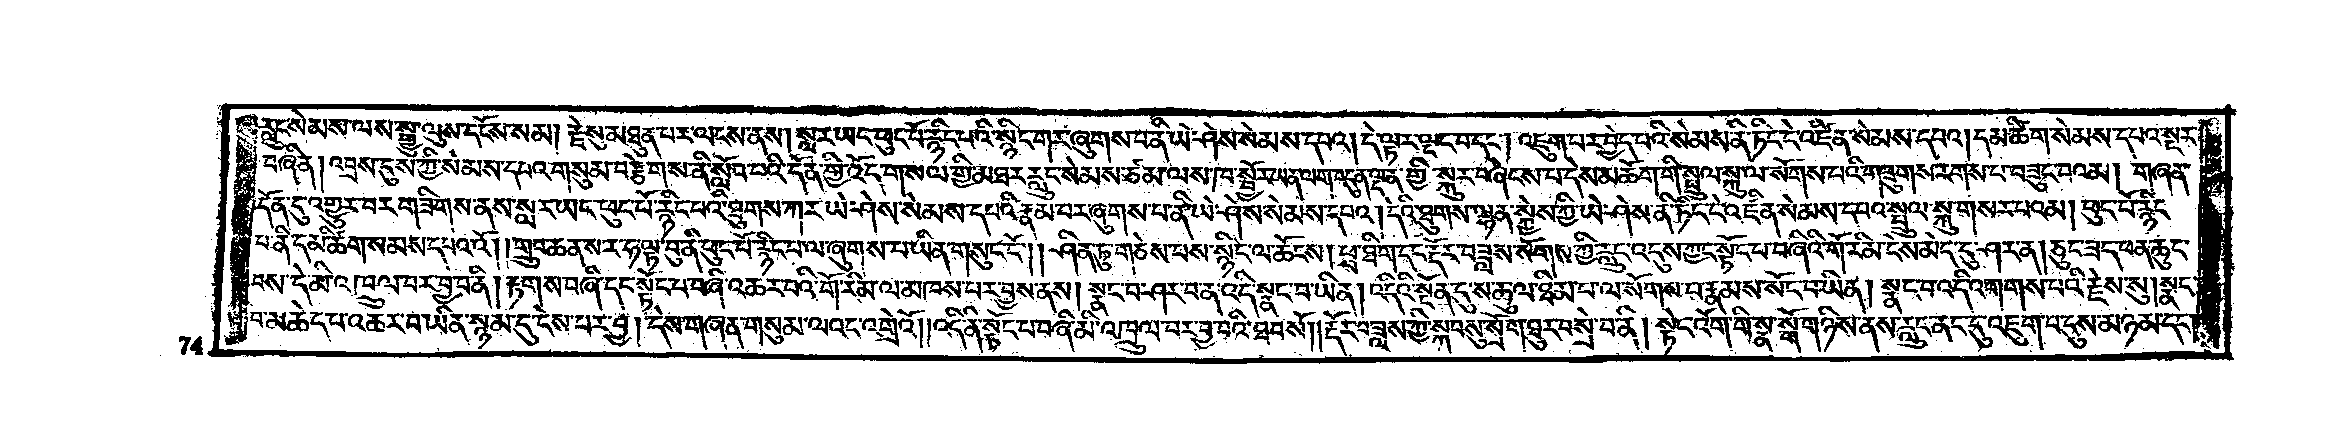རླུང་སེམས་ལས་སྒྱུ་ལུས་དངོས་སམ། རྗེས་སུ་མཐུན་པར་ལངས་ནས། སླར་ཡང་ཕུང་པོ་རྙིང་པའི་སྙིང་གར་ཞུགས་པ་ནི་ཡེ་ཤེས་སེམས་དཔའ། དེ་ལྟར་ལྡང་བ་དང་། འཇུག་པར་བྱེད་པའི་སེམས་ནི་ཏིང་ངེ་འཛིན་སེམས་དཔའ། དམ་ཚིག་སེམས་དཔའ་སྔར་
བཞིན། འབྲས་དུས་ཀྱི་སེམས་དཔའ་གསུམ་བརྩེགས་ནི་སློབ་པའི་དོན་གྱི་འོད་གསལ་གྱི་མཐར་རླུང་སེམས་ཙམ་ལས་ཁ་སྦྱོར་ཡན་ལག་བདུན་ལྡན་གྱི་སྐུར་བཞེངས་པ་དེས་མཆོག་གི་སྤྲུལ་སྐུ་ལ་སོགས་པའི་གཟུགས་རགས་པ་བཟུང་བའམ། གཞན་
དོན་དུ་འགྱུར་བར་གཟིགས་ནས་སླེར་ཡང་ཕུང་པོ་རྙིང་པའི་ཐུགས་ཀར་ཡེ་ཤེས་སེམས་དཔའི་རྣམ་པར་ཞུགས་པ་ནི་ཡེ་ཤེས་སེམས་དཔའ། དེའི་ཐུགས་ལྷན་སྐྱེས་ཀྱི་ཡེ་ཤེས་ནི་ཏིང་ངེ་འཛིན་སེམས་དཔའ་སྤྲུལ་སྐུ་གསར་པའམ། ཕུང་པོ་རྙིང་
པ་ནི་དམ་ཚིག་སེམས་དཔའ་འོ། །གྲུབ་ཆན་ས་ར་ཧ་ལྟ་བུ་ནི་ཕུང་པོ་རྙིང་པ་ལ་ཞུགས་པ་ཡིན་གསུང་ངོ། །ཤིན་ཏུ་གཅེས་པས་སྙིང་ལ་ཆོངས། ཕྲ་ཐིག་དང་རྡོར་བཟླས་སོགས་ཀྱི་རླུང་འདུས་ཀྱང་སྟོང་པ་བཞིའི་གོ་རིམ་ངེས་མེད་དུ་ཤར་ན། ཅུང་ཟད་ཕན་ཆུང་
བས་དེ་མི་འཁྲུལ་བར་བྱ་བ་ནི། རྟགས་བཞི་དང་སྟོང་པ་བཞི་འཆར་བའི་གོ་རིམ་ལ་མཁས་པར་བྱས་ནས། སྣང་བ་ཤར་བ་ན་འདི་སྣང་བ་ཡིན། འདིའི་སྔོན་དུ་ས་ཆུ་ལ་ཐིམ་པ་ལ་སོགས་པ་རྣམས་སོང་བ་ཡིན། སྣང་བ་འདི་འགགས་པའི་རྗེས་སུ། སྣང་
བ་མཆེད་པ་འཆར་བ་ཡིན་སྙམ་དུ་ངེས་པར་བྱ། དེས་གཞན་གསུམ་ལའང་འགྲེའོ། །འདི་ནི་སྟོང་པ་བཞི་མི་འཁྲུལ་བར་བྱ་བའི་ཐབས་སོ། །རྡོར་བཟླས་ཀྱི་སྐབས་སུ་སྲོག་ཐུར་བསྲེ་བ་ནི། སྟེང་འོག་གི་སྣ་སྒོ་གཉིས་ནས་རླུང་ནང་དུ་འཇུག་པ་དུས་མཉམ་དང་།